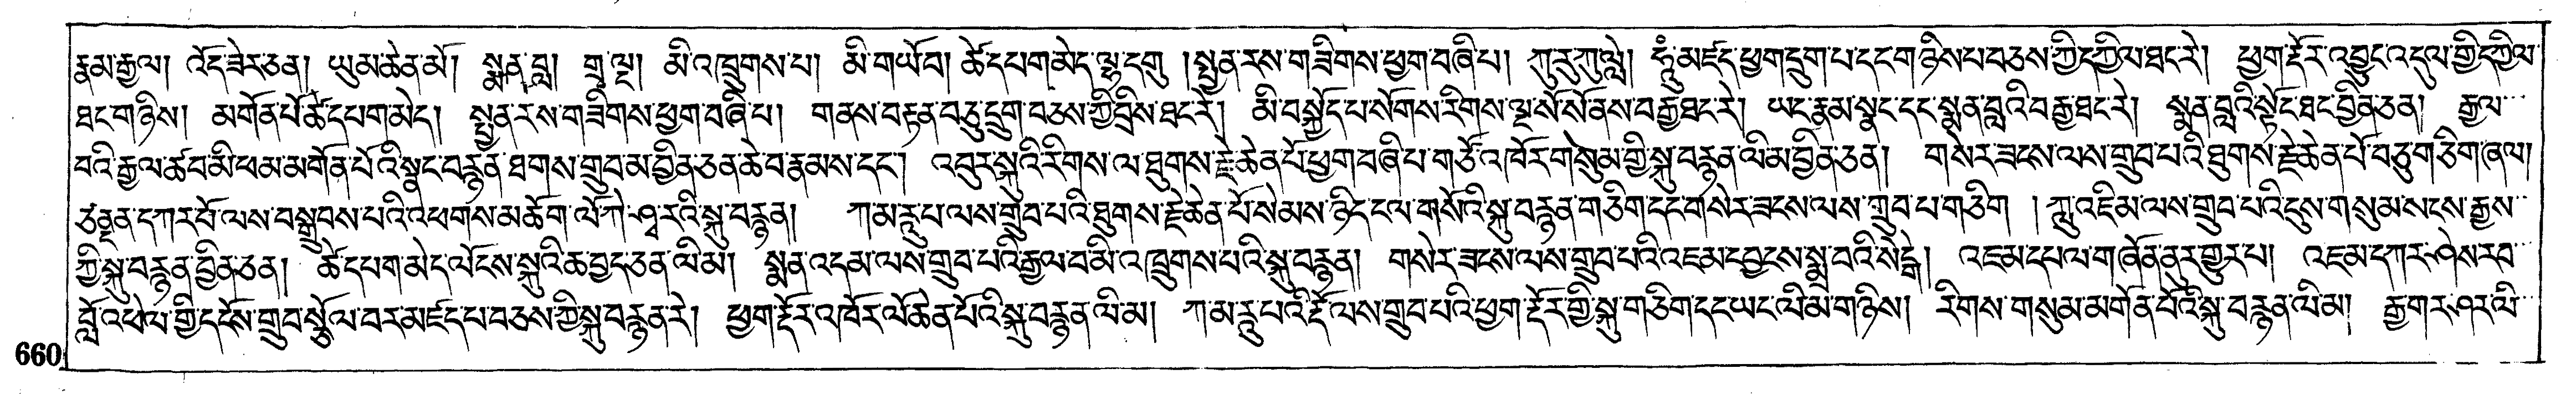རྣམ་རྒྱལ། འོད་ཟེར་ཅན། ཡུམ་ཆེན་མོ། སྨན་བླ། གྲྭ་ལྔ། མི་འཁྲུགས་པ། མི་གཡོ་བ། ཚེ་དཔག་མེད་ལྷ་དགུ །སྤྱན་རས་གཟིགས་ཕྱག་བཞི་པ། ཀུ་རུ་ཀུལླེ། ཧཱུཾ་མཛད་ཕྱག་དྲུག་པ་དང་གཉིས་པ་བཅས་ཀྱི་དཀྱིལ་ཐང་རེ། ཕྱག་རྡོར་འབྱུང་འདུལ་གྱི་དཀྱིལ་
ཐང་གཉིས། མགོན་པོ་ཚེ་དཔག་མེད། སྤྱན་རས་གཟིགས་ཕྱག་བཞི་པ། གནས་བརྟན་བཅུ་དྲུག་བཅས་ཀྱི་བྲིས་ཐང་རེ། མི་བསྐྱོད་པ་སོགས་རིགས་ལྔ་སོ་སོ་ནས་བརྒྱ་ཐང་རེ། ཡང་རྣམ་སྣང་དང་སྨན་བླའི་བརྒྱ་ཐང་རེ། སྨན་བླའི་སྟོང་ཐང་བྱིན་ཅན། རྒྱལ་
བའི་རྒྱལ་ཚབ་མི་ཕམ་མགོན་པོའི་སྣང་བརྙན་ཐགས་གྲུབ་མ་བྱིན་ཅན་ཆེ་བ་རྣམས་དང་། འབུར་སྐུའི་རིགས་ལ་ཐུགས་རྗེ་ཆེན་པོ་ཕྱག་བཞི་པ་གཙོ་འཁོར་གསུམ་གྱི་སྐུ་བརྙན་ལི་མ་བྱིན་ཅན། གསེར་ཟངས་ལས་གྲུབ་པའི་ཐུགས་རྗེ་ཆེན་པོ་བཅུ་གཅིག་ཞལ་
ཙནྡན་དཀར་པོ་ལས་བསྒྲུབས་པའི་འཕགས་མཆོག་ལོ་ཀེ་ཤྭ་རའི་སྐུ་བརྙན། ཀ་མ་རཱུ་པ་ལས་གྲུབ་པའི་ཐུགས་རྗེ་ཆེན་པོ་སེམས་ཉིད་དལ་གསོའི་སྐུ་བརྙན་གཅིག་དང་གསེར་ཟངས་ལས་གྲུབ་པ་གཅིག །ཀླུ་འཇིམ་ལས་གྲུབ་པའི་དུས་གསུམ་སངས་རྒྱས་
ཀྱི་སྐུ་བརྙན་བྱིན་ཅན། ཚེ་དཔག་མེད་ལོངས་སྐུའི་ཆ་བྱད་ཅན་ལི་མ། སྨན་འདམ་ལས་གྲུབ་པའི་རྒྱལ་བ་མི་འཁྲུགས་པའི་སྐུ་བརྙན། གསེར་ཟངས་ལས་གྲུབ་པའི་འཇམ་དབྱངས་སྨྲ་བའི་སེངྒེ། འཇམ་དཔལ་གཞོན་ནུར་གྱུར་པ། འཇམ་དཀར་ཤེས་རབ་
བློ་འཕེལ་གྱི་དངོས་གྲུབ་སྩོལ་བར་མཛད་པ་བཅས་ཀྱི་སྐུ་བརྙན་རེ། ཕྱག་རྡོར་འཁོར་ལོ་ཆེན་པོའི་སྐུ་བརྙན་ལི་མ། ཀ་མ་རཱུ་པའི་རྡོ་ལས་གྲུབ་པའི་ཕྱག་རྡོར་གྱི་སྐུ་གཅིག་དང་ཡང་ལི་མ་གཉིས། རིགས་གསུམ་མགོན་པོའི་སྐུ་བརྙན་ལི་མ། རྒྱ་གར་ཤར་ལི་